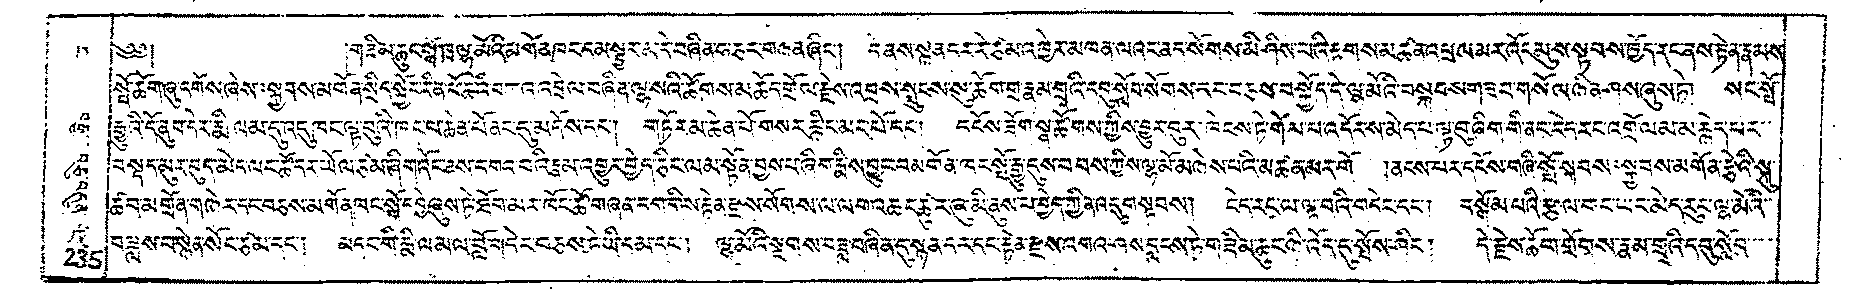༄༅། །གཟིམ་ཆུང་སྒོ་ཁྲ་ལྷ་མོའི་མགོན་ཁང་དམ་སྦྱར་མ་དེ་བཞིན་ཧ་ཅང་གཉན་ཞིང་། དེ་ནས་སྙན་དར་རེ་ཙམ་འཁྱེར་མཁན་ལའང་ནད་སོགས་མི་ཤིས་པའི་རྟགས་མཚན་འཕྲལ་མར་འོང་མུས་སྟབས་ཁྱོད་རང་ནས་རྟེན་རྣམས་
སྤོ་ཆོག་ཞུ་དགོས་ཞེས་༧སྐྱབས་མགོན་སྲིད་སྐྱོང་རིན་པོ་ཆེའི་བཀའ་འབྲེལ་བཞིན་ལྷ་སའི་ཚོགས་མཆོད་གྲོལ་རྗེས་འབྲས་སྤུངས་སུ་ཆོག་གྲ་རྣམ་གྲྭའི་དབུ་སློབ་སོགས་དང་བཅས་བསྐྱོད་དེ་ལྷ་མོའི་བསྐབས་གཟབ་གསོལ་ཉིན་ཤས་ཞུས་ཏེ། སང་སྤོ་
རྒྱུའི་དོ་ནུབ་དེར་རྨི་ལམ་དུ་འདུ་ཁང་ལྟ་བུའི་ཁང་པ་ཆེན་པོ་ནང་དུ་མདོས་དང་། གཏོར་མ་ཆེན་པོ་གསར་རྙིང་མང་པོ་དང་། དངོས་ཟོག་སྣ་ཚོགས་ཀྱིས་བྱུར་བུར་ཁེངས་ཏེ་གོམ་པ་འདོར་ས་མེད་པ་ལྟ་བུ་ཞིག་གི་ནང་ངེད་རང་འགྲོ་ལམ་མ་རྙེད་པར་
བསྡད་མུར་བུད་མེད་ལང་ཚོ་དར་ཡོལ་ཙམ་ཞིག་འོང་ནས་དགའ་བའི་རྣམ་འགྱུར་བྱེད་ཅིང་ལམ་སྟོན་བྱས་པ་ཞིག་རྨིས་བྱུང་བ་མགོན་ཁང་སྤོ་རྒྱུ་དུས་བབས་ཀྱིས་ལྷ་མོ་མཉེས་པའི་མཚན་མར་གོ །ནངས་པར་དངོས་གཞི་སྤོ་སྐབས་༧སྐྱབས་མགོན་རྩེའི་སྐུ་
ཚབ་མགྲོན་གཉེར་དང་བཅས་མགོན་ཁང་སྒོ་དབྱེ་ཞུས་ཏེ་ཐོག་མར་ཁོང་ཚོ་གཞན་ངག་གིས་རྟེན་རྫས་སོགས་ལ་ལག་འཆང་ཚུར་ཞུ་མི་ནུས་པ་བྱེད་ཀྱིན་འདུག་སྟབས། ངེད་རང་ལ་ལྟ་བའི་གདེང་དང་། བསྒོམ་པའི་རྩལ་གང་ཡང་མེད་རུང་ལྷ་མོའི་
བཟླས་བ་སྙེན་སོང་ཙམ་དང་། མདང་གི་རྨི་ལམ་ལ་བློ་གདེང་བཅས་ཏེ་ཡི་དམ་དང་། ལྷ་མོའི་སྔགས་བཟླ་བཞིན་དུ་སྙན་དར་དང་རྟེན་རྫས་འགའ་ཤས་བླངས་ཏེ་གཟིམ་ཆུང་ཉི་འོད་དུ་སྤོས་ཤིང་། དེ་རྗེས་ཆོག་གྲོགས་རྣམ་གྲྭའི་དབུ་སློབ་